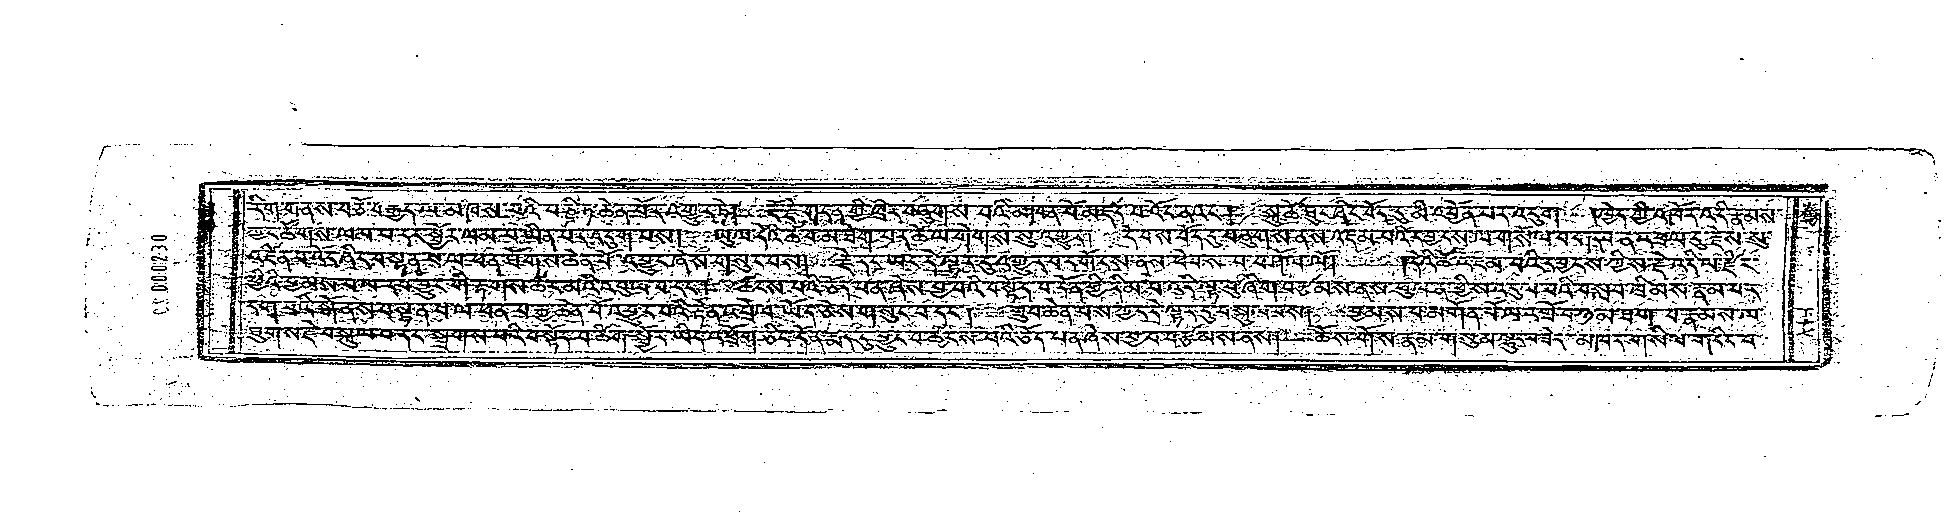རིག་གནས་བཅོ་བརྒྱད་ལ་མཁས་པའི་པཎྜི་ཏ་ཆེན་པོར་འགྱུར་ཏེ། རྡོ་རྗེ་གདན་གྱི་ཕྲིར་བཞུགས་བའི་མཁན་བོ་མཛད་བ་འོད་ནའང་། སྐུ་ཚེ་ཐུད་ཞིང་བོད་དུ་མི་འབྱོན་པར་འདུག །ཁྱེད་ཀྱི་འཁོར་འདི་རྣམས་
ཀྱང་ཚོགས་ལམ་པ་དང་སྦྱོར་ལམ་པ་ཡིན་པར་འདུག་པས། ཡུལ་དེའི་ཚ་བ་མ་ཐེག་པར་ཚེ་ལ་གེགས་སུ་འགྱུར། དེ་བས་བོད་དུ་བཞུགས་ནས་འཇམ་པའི་དབྱངས་ལ་གསོལ་བ་གདབ་ན་འཕྲལ་དུ་རྗེས་སུ་
འཛིན་པ་འོད་ཞིང་བསྟན་བ་ལ་ཕན་ཐོགས་ཆེན་པོ་འབྱུང་ཞེས་གསུང་བས། རྗེ་རང་ཡང་དེ་ལྟར་དུ་འགྱུར་བ་དགོངས་ནས་ཕེབས་པ་བཤོལ་ལོ། །དེའི་ཚེ་འཇམ་པའི་དབྱངས་ཀྱིས་རྗེ་འདི་ལ་རྫིང་
ཕྱིའི་བྱམས་པ་ལ་རབ་བྱུང་གི་རྟགས་ཚང་མའི་འབུལ་བ་དང་། ཚངས་པའི་ཅོད་པན་ཞེས་བྱ་བའི་བསྟོད་པ་དོན་གྱི་རིམ་བ་འདི་ལྟ་བུ་ཞིག་བརྩམས་ནས་ཕུལ་ན་ཕྱིས་འདུལ་བའི་བསླབ་ཁྲིམས་རྣམ་པར་
ངག་བའི་སྒོ་ནས་བསྟན་པ་ལ་ཕན་པ་རྒྱ་ཆེན་པོ་འབྱུང་བའི་རྟེན་འབྲེལ་ཡོད་ཅེས་གསུང་བ་དང་། གྲུབ་ཆེན་པས་ཀྱང་དེ་ལྟར་དུ་བསྐུལ་བས། བྱམས་པ་མགོན་པོ་ལ་འགྲོ་བ་ཉམ་ཐག་པ་རྣམས་ལ་
ཐུགས་རྗེ་བསྐུལ་བ་དང་སྦྲགས་པའི་བསྟོད་བ་ཚིག་སྦྱོར་ཡིད་འཕྲོག་ཅིང་དོན་རྨད་དུ་བྱུང་བ་ཚངས་པའི་ཅོད་པན་ཞེས་བྱ་བ་བརྩམས་ནས། ཆོས་གོས་རྣམ་གསུམ་ལྷུང་བཟེད་མཁར་གསིལ་གདིང་བ་